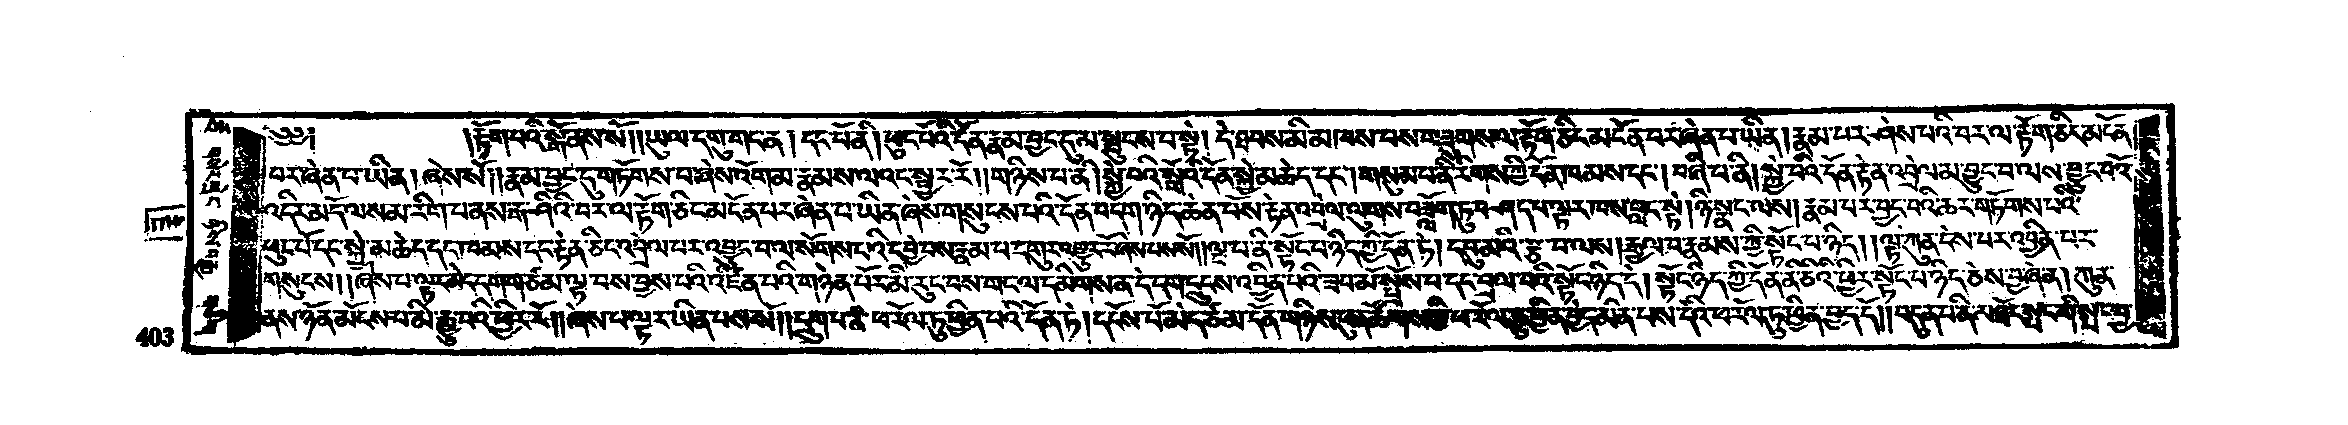༄༅། །རྟོག་པའི་སྒོ་ནས་སོ། །ཡུལ་དགུ་གང་ན། དང་པོ་ནི། ཕུང་པོའི་དོན་རྣམ་བྱང་དུ་མ་སྤུངས་པ་སྟེ། དེ་ཐབས་མི་མཁས་པས་གཟུགས་ལ་རྟོག་ཅིང་མངོན་པར་ཞེན་པ་ཡིན། རྣམ་པར་ཤེས་པའི་བར་ལ་རྟོག་ཅིང་མངོན་
པར་ཞེན་པ་ཡིན། ཞེས་སོ། །རྣམ་བྱང་དུ་གཏོགས་པ་ཞེས་འོག་མ་རྣམས་ལའང་སྦྱར་རོ། །གཉིས་པ་ནི། སྐྱེ་བའི་སྒོའི་དོན་སྐྱེ་མཆེད་དང་། གསུམ་པ་ནི་རིགས་ཀྱི་དོན་ཁམས་དང་། བཞི་པ་ནི། སྐྱེ་བའི་དོན་རྟེན་འབྲེལ་མ་བྱུང་བ་ལས་བྱུང་བའོ་
འདིར་མདོ་ལས་མ་རིག་པ་ནས་རྒ་ཤིའི་བར་ལ་རྟོག་ཅིང་མངོན་པར་ཞེན་པ་ཡིན་ཞེས་གསུངས་པའི་དོན་བདག་ཉིད་ཆེན་པོས་རྟེན་འབྲེལ་ལུགས་བཟློག་ཏུ་བཤད་པ་ལྟར་ཁས་བླང་སྟེ། ཉི་སྣང་ལས། རྣམ་པར་བྱང་བའི་ཆར་གཏོགས་པའི་
ཕུང་པོ་དང་སྐྱེ་མཆེད་དང་ཁམས་དང་རྟེན་ཅིང་འབྲེལ་པར་འབྱུང་བ་ལ་སོགས་པའི་དབྱེ་བས་རྣམ་པ་དགུར་འགྱུར་རོ་ཞེས་པས་སོ། །ལྔ་པ་ནི་སྟོང་པ་ཉིད་ཀྱི་དོན་ཏེ། དབུ་མའི་རྩ་བ་ལས། རྒྱལ་བ་རྣམས་ཀྱི་སྟོང་པ་ཉིད། །ལྟ་ཀུན་ངེས་པར་འབྱིན་པར་
གསུངས། །ཞེས་པ་ལྟར་མེད་དགག་ཙམ་ལྟ་བས་བྱས་པའི་འཛིན་པའི་གཉེན་པོར་མི་རུང་བས་གང་ལ་དམིགས་ན་དེ་དག་དྲུངས་འབྱིན་པའི་ཟབ་མོ་སྤྲོས་པ་དང་བྲལ་བའི་སྟོང་ཉིད་དེ། སྟོང་ཉིད་ཀྱི་དོན་ནི་ཅིའི་ཕྱིར་སྟོང་པ་ཉིད་ཅེས་བྱ་ཞེ་ན། ཀུན་
ནས་ཉོན་མོངས་པ་མི་རྒྱུ་བའི་ཕྱིར་རོ། །ཞེས་པ་ལྟར་ཡིན་པས་སོ། །དྲུག་པ་ནི་ཕ་རོལ་ཏུ་ཕྱིན་པའི་དོན་ཏེ། དངོས་པོ་མེད་ཙམ་དོན་གཉིས་ཕུན་ཚོགས་ཀྱི་ཕ་རོལ་ཏུ་ཕྱིན་བྱེད་མིན་པས་དེའི་ཕ་རོལ་ཏུ་ཕྱིན་བྱེད་དོ། །བདུན་པ་ནི་མཐོང་སྤང་གི་སྤང་བྱ་